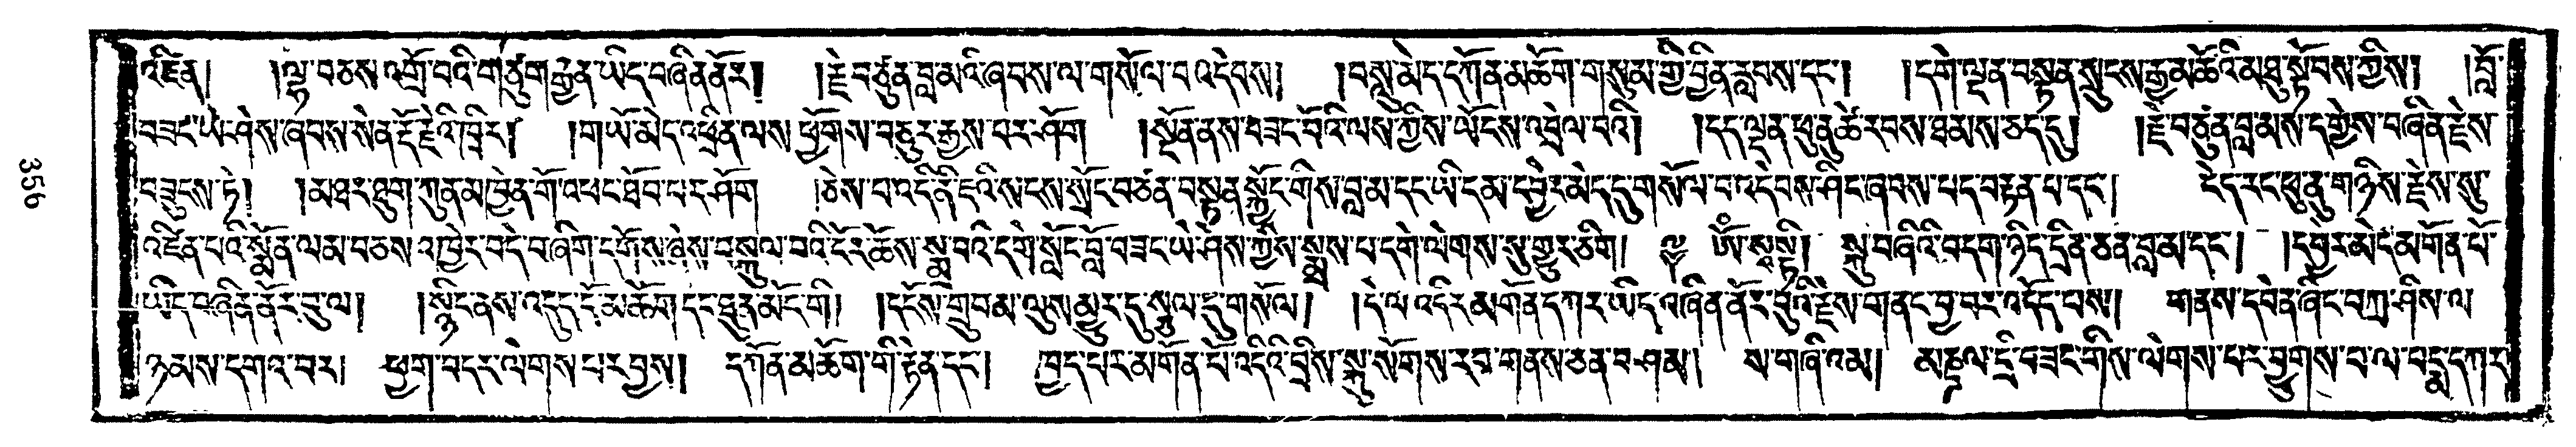འཛིན། །ལྷ་བཅས་འགྲོ་བའི་གཙུག་རྒྱན་ཡིད་བཞིན་ནོར། །རྗེ་བཙུན་བླ་མའི་ཞབས་ལ་གསོལ་བ་འདེབས། །བསླུ་མེད་དཀོན་མཆོག་གསུམ་གྱིས་བྱིན་རླབས་དང་། །དགེ་ལྡན་བསྟན་སྲུངས་རྒྱ་མཚོའི་མཐུ་སྟོབས་ཀྱིས། །བློ་
བཟང་ཡེ་ཤེས་ཞབས་སེན་རྡོ་རྗེའི་ཁྲིར། །གཡོ་མེད་འཕྲིན་ལས་ཕྱོགས་བཅུར་རྒྱས་པར་ཤོག །སྔོན་ནས་བཟང་པོའི་ལས་ཀྱིས་ཡོངས་འབྲེལ་བའི། །དད་ལྡན་ཕུ་ནུ་ཚེ་རབས་ཐམས་ཅད་དུ། །རྗེ་བཙུན་བླ་མས་དགྱེས་བཞིན་རྗེས་
བཟུངས་ཏེ། །མཐར་ཐུག་ཀུན་མཁྱེན་གོ་འཕང་ཐོབ་པར་ཤོག །ཅེས་པ་འདི་ནི་པའི་སངས་སྲོང་བཙན་བསྟན་སྐྱོང་གིས་བླ་མ་དང་ཡི་དམ་དབྱེར་མེད་དུ་གསོལ་བ་འདེབས་ཤིང་ཞབས་པད་བརྟན་པ་དང་། ངེད་རང་ཕུ་ནུ་གཉིས་རྗེས་སུ་
འཛིན་པའི་སྨོན་ལམ་བཅས་འཁྱེར་བདེ་བཞིག་དངོས་ཞེས་བསྐུལ་བའི་དེར་ཆོས་སྨྲ་བའི་དགེ་སློང་བློ་བཟང་ཡེ་ཤེས་ཀྱིས་སྨྲས་པ་དགེ་ལེགས་སུ་གྱུར་ཅིག། ༈ ཨོཾ་སྭསྟི། སྐུ་བཞིའི་བདག་ཉིད་དྲིན་ཅན་བླ་མ་དང་། །དབྱར་མེད་མགོན་པོ་
ཡིད་བཞིན་ནོར་བུ་ལ། །སྙིང་ནས་འདུད་དོ་མཆོག་དང་ཐུན་མོང་གི། །དངོས་གྲུབ་མ་ལུས་མྱུར་དུ་སྩལ་དུ་གསོལ། །དེ་ལ་འདིར་མགོན་དཀར་ཡིད་བཞིན་ནོར་བུའི་རྗེས་གནང་བྱ་བར་འདོད་པས། གནས་དབེན་ཟིང་བཀྲ་ཤིས་ལ་
ཉམས་དགའ་བར། ཕྱག་བདར་ལེགས་པར་བྱས། དཀོན་མཆོག་གི་རྟེན་དང་། ཁྱད་པར་མགོན་པོ་འདིའི་བྲིས་སྐུ་སོགས་རབ་གནས་ཅན་བཤམ། ས་གཞི་འམ། །མཎྜལ་དྲི་བཟང་གིས་ལེགས་པར་བྱུགས་པ་ལ་པདམ་དཀར་